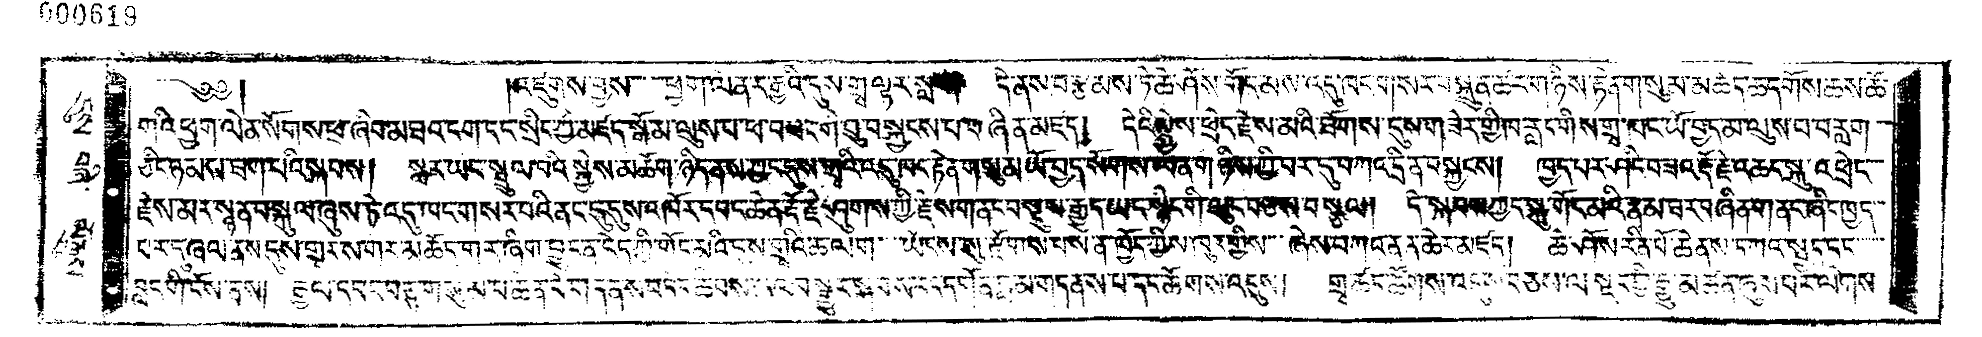༄༅། །འཛུགས་བྱས་ཕྱག་ལེན་ར་རྒྱའི་དུས་གྲྭ་ལྟར་སླབ། དེ་ནས་བརྩམས་ཏེ་ཆེ་ཤོས་གོང་མས་འདུ་ཁང་གསར་བསྐྲུན་ཚར་གཉིས་རྟེན་གསུམ་མཆོད་ཆ་དགོས་ཆས་ཆོ་
གའི་ཕྱག་ལེན་སོགས་ཕྲ་ཞིབ་མཐའ་དག་དང་སྲིད་ཀྱི་མཛད་སྒོ་མ་ལུས་པ་ཕ་བཟང་གི་བུ་བསྐྱངས་པ་བཞིན་མཛད། དེའི་སྐྱེས་ཕྲེང་རྗེས་མའི་ཐོགས་དུས་གཟེར་གྱི་ཁ་རླང་གིས་གྲྭ་ཁང་ཡོ་བྱད་མ་ལུས་པ་བརླག་
ཅིང་ཉམས་ཐག་པའི་སྐབས། སླར་ཡང་སྤྲུལ་བའི་སྐྱེས་མཆོག་ཉིད་ནས་ཀྱང་དུས་གྲྭའི་འདུ་ཁང་རྟེན་གསུམ་ཡོ་བྱད་སོགས་ལན་གཉིས་ཀྱི་བར་དུ་བཀའ་དྲིན་བསྐྱངས། ཁྱད་པར་ཤིང་བཟའ་རྡོ་རྗེ་འཆང་སྐུ་འཕྲེང་
རྗེས་མར་སྙན་བསྐུལ་ཞུས་ཏེ་འདུ་ཁང་གསར་བའི་ནང་དུ་དུས་འཁོར་དབང་ཆེན་རྡོ་རྗེ་ཤུགས་ཀྱི་རྗེས་གནང་བསྡུས་རྒྱུད་ཡང་སྙིང་གི་ལུང་བཅས་བསྩལ། དེ་སྐབས་ཀྱང་སྐུ་གོང་མའི་རྣམ་ཐར་བཞིན་གནང་ཞིང་ཁྱད་
པར་དུ་ཞལ་ནས་དུས་གྲྭར་ས་གར་མཆོད་གར་ཞིག་བྱུང་ན་ངེད་ཀྱི་གོང་མའི་དུས་གྲྭའི་ཆ་ལག་ཡོངས་སུ་རྫོགས་པས་ན་ཁྱོད་ཀྱིས་ཁུར་གྱིས་ཞེས་བཀའ་ནན་ཆེར་མཛད། ཆེ་ཤོས་རིན་པོ་ཆེ་ནས་དཀའ་སྤྱད་དང་
བླང་གི་ངོས་ནས། རྒྱལ་དབང་བཅུ་གསུམ་པ་ཆེན་པོ་གདན་ས་འདིར་ཆིབས་ཞལ་བསྒྱུར་སྐབས་རང་དགོན་བླ་མ་གདན་ས་པ་དང་ཚོགས་འདུས། གྲྭ་ཚང་ཚོགས་འདུས་བཅས་ལ་སྔར་གྱི་རྒྱུ་མཚན་ཞུས་པར་ལེགས་